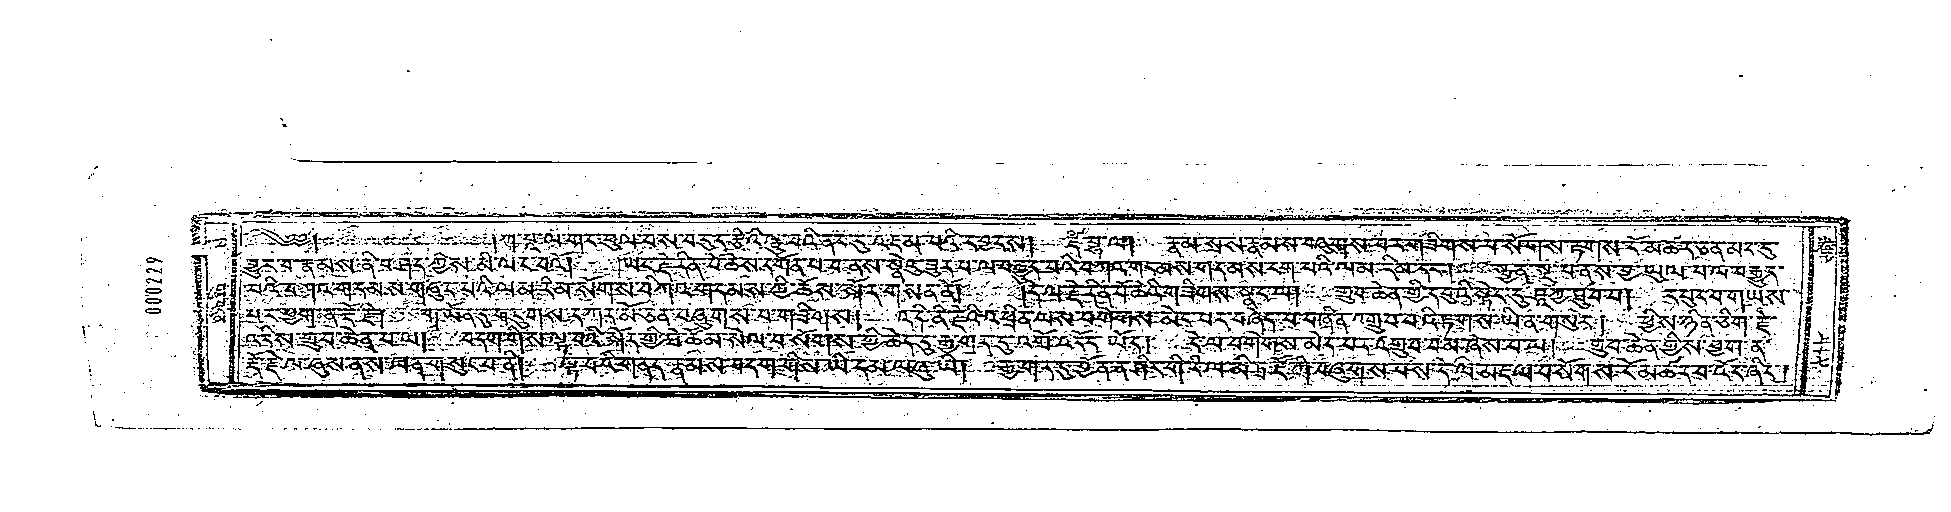༄༅། །ཀ་པཱ་ལ་གང་ཕུལ་བས་བདུད་རྩིའི་ལྦུ་བའི་ནང་དུ་འཇམ་པའི་དབྱངས། ཛཾ་བྷ་ལ། རྣམ་སྲས་རྣམས་བཞུགས་པར་གཟིགས་པ་སོགས་རྟགས་ངོ་མཚར་ཅན་མང་དུ་
བྱུང་བ་རྣམས་ནི་བཤད་ཀྱིས་མི་ལང་བའོ། །ཡང་རྗེ་རིན་པོ་ཆེས་དགོན་པ་བ་ནས་སྣེའུ་ཟུར་པ་ལ་བརྒྱུད་པའི་བཀའ་གདམས་གདམས་ངག་པའི་ལམ་རིམ་དང་། སྤྱན་སྔ་པ་ནས་བྱ་ཡུལ་པ་ལ་བརྒྱུད་
པའི་བཀའ་གདམས་གཞུང་པའི་ལམ་རིམ་སོགས་བཀའ་གདམས་ཀྱི་ཆོས་སྐོར་གསན་ནོ། །དེ་ལ་རྗེ་རིན་པོ་ཆེའི་གཟིགས་སྣང་ལ། གྲུབ་ཆེན་གྱི་དབུའི་སྟེང་དུ་ཤཱཀྱ་ཐུབ་པ། དཔུང་བ་གཡས་
པར་ཕྱག་ན་རྡོ་རྗེ། གཡོན་དུ་གདུགས་དཀར་མོ་ཅན་བཞུགས་པ་གཟིགས། འདི་ནི་རྗེའི་འཕྲིན་ལས་བགེགས་མེད་པར་བཞེད་པ་བཞིན་འགྲུབ་པའི་རྟགས་ཡིན་གསུང་། ཕྱིས་ཉིན་ཅིག་རྗེ་
འདིས་གྲུབ་ཆེན་པ་ལ། བདག་གིས་ལྟ་བའི་སྐོར་གྱི་ཐེ་ཚོམ་སེལ་བ་སོགས་གྱི་ཆེད་དུ་རྒྱ་གར་དུ་འགྲོ་འདོད་ཡོད། དེ་ལ་བགེགས་མེད་པར་འགྲུབ་བམ་ཞེས་པ་ལ། གྲུབ་ཆེན་གྱིས་ཕྱག་ན་
རྡོ་རྗེ་ལ་ཞུས་ནས་ལན་གསུང་བ་ནི། ལྟ་བའི་གནད་རྣམས་བདག་གིས་ཡི་དམ་ལ་ཞུ་ཡི། རྒྱ་གར་དུ་བྱོན་ན་ཤིང་གི་རི་ལ་མི་ཏྲ་ཛོ་ཀི་བཞུགས་པས་དེ་ལ་མཇལ་བ་སོགས་ངོ་མཚར་བ་འོང་ཞིང་།